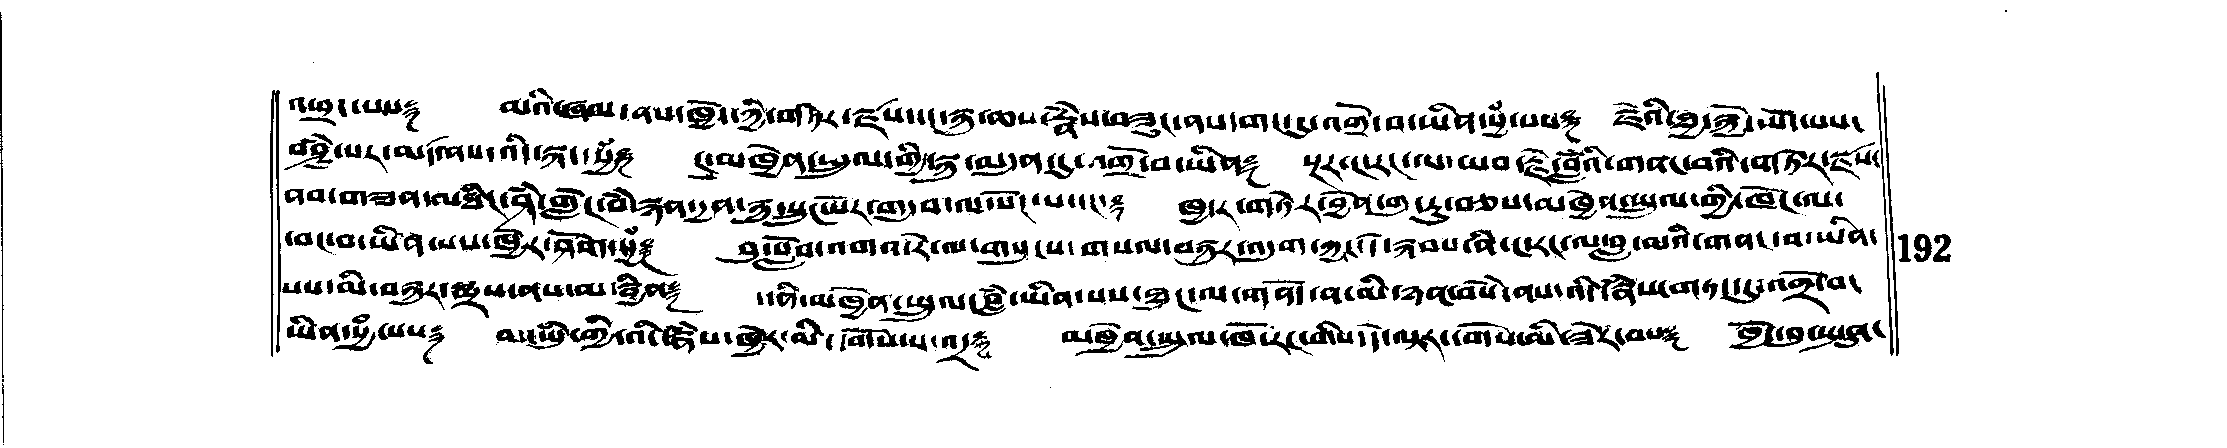འཕྲད་པས། མའི་ཞལ་ནས་ཁྱོད་ཀྱི་གཏེར་རྫས་དང་སྐུ་ཆས་རྣམས་བཟུང་ནས་གང་དུ་འགྲོ་བ་ཡིན་གསུངས་པས།རྗེའི་ཐུགས་སྐྱོ་ཡོད་པས་
བཤུམས་པར་མཛད་ནས་འདི་སྐད་གསུངས། །ང་མཁྱེན་སྤྲུལ་གྱི་སྐུ་མདུན་དུ་འགྲོ་བ་ཡིན། སྔར་ང་རང་ལ་ཡབ་རྗེ་བླ་མའི་གནང་བའི་གཏེར་རྫས་
ནབ་གཟན་མཐང་ཤམ་གླེགས་བམ་སྙན་རྒྱན་སྐུ་སྲུང་སོར་གདུབ་ལ་སོགས་པ་དང་། ཁྱད་པར་གཏེར་བྱོན་གུ་རུ་བཅས་མཁྱེན་སྤྲུལ་གྱི་ཁོང་ལ་
དབང་བ་ཡིན་པས་ཁྱེར་ཤོག་གསུང་། བུ་སློབ་འགའ་རེ་ལ་གསུང་གསལ་བསྐུར་འདུག་ཀྱང་དེ་སྐབས་ནི་ང་རང་ལ་བླ་མའི་གནང་བ་ཡིན་
པས་མི་བསྐུར་སྨྲས་ནས་མ་སྦྱིན། ད་ནི་མཁྱེན་སྤྲུལ་བླ་མ་ཡིན་པས་ཐུགས་ལ་གནོད་ན་མི་ཉན་བསམ་ནས་འདི་རྣམས་གཏད་དུ་འགྲོ་བ་
ཡིན་གསུང་པས། མ་ཡུམ་གྱི་འདི་རྣམས་ཁྱེར་མི་དགོས་པ་འདྲ། མཁྱེན་སྤྲུལ་ཁོ་རང་གིས་དེ་ལྟར་དགོས་མི་ཟེར་བས། ཁྱོད་བུ་སྤུན་